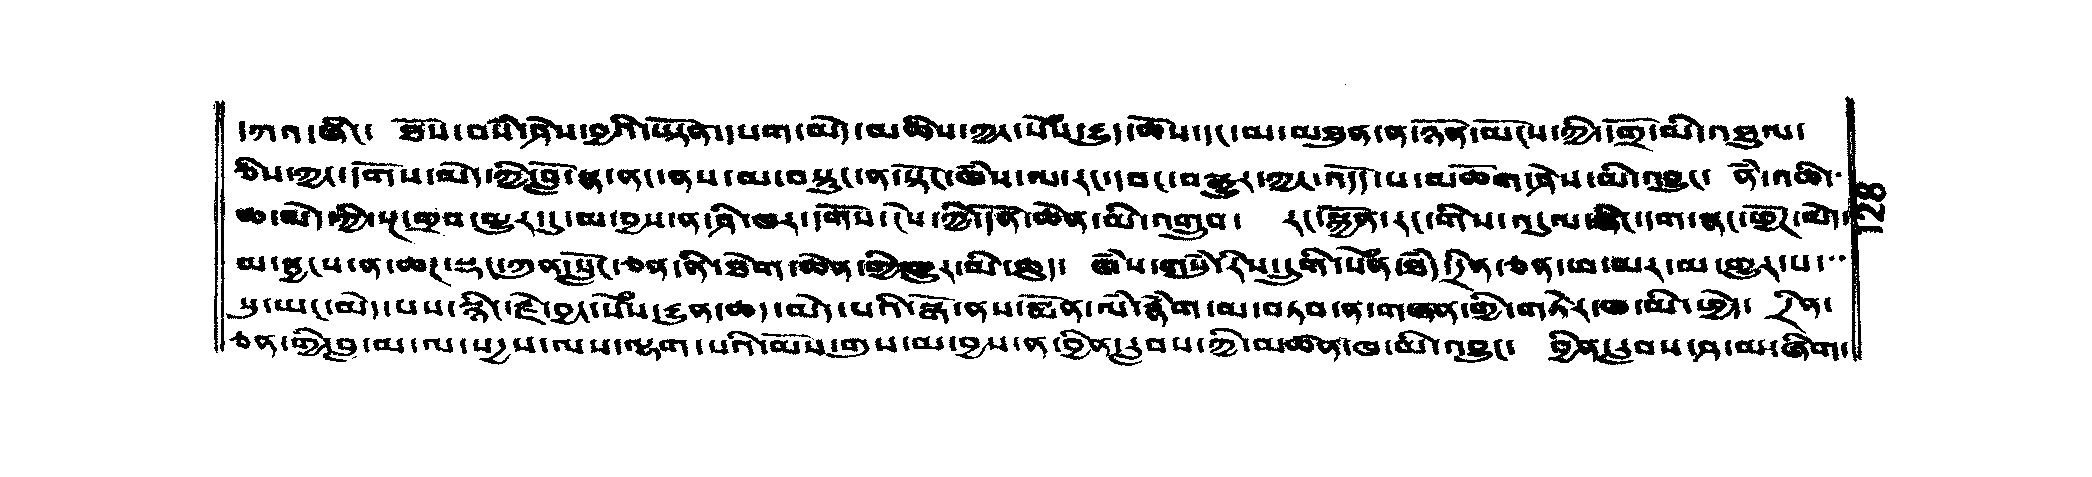དཀའ་ཞིང་། ཐོས་བསམ་ཤེས་བྱའི་ཡོན་ཏན་དཔག་མེད་མཆིས་ཀྱང་སེམས་རྒྱུད་ཆོས་དང་མ་མཐུན་ན་ཉོན་མོངས་ཀྱི་དགྲ་བོ་མི་འཐུལ། 
ཅིས་ཀྱང་དགོས་མེད་ཀྱི་བློ་སྣ་ནང་ནས་མ་བསྟུང་ན་སྟོང་ཁམས་ལ་རང་དབང་བསྒྱུར་ཀྱང་འདཽད་པ་་ཆོག་ཤེས་མི་འབྱུང་། ནམ་འཆི་
ཆ་མེད་ཀྱི་སྔ་གྲབས་མྱུར་དུ་མ་བྱས་ན་ཤི་ཁར་དགོས་ངེས་ཀྱི་དོན་ཆེན་མི་འགྲུབ། རང་སྐྱོན་རང་གིས་འདུལ་ཞིང་དག་སྣང་ཕྱོགས་མེད་
མ་སྦྱངས་ན་ཆགས་སྡང་ཀུན་སློང་ཅན་ནི་ཐེག་ཆེན་གྱི་ཁྱུར་མི་ཚུད། ཁམས་གསུམ་རིགས་དྲུག་གི་སེམས་ཅན་ཐམས་ཅད་དྲིན་ཅན་ཕ་མར་མ་གྱུར་པ་
སུ་ཡང་མེད་པས་སྙིང་རྗེ་བྱང་སེམས་རྒྱུན་ཆད་མེད་པའི་སྒོ་ནས་སྨོན་ལམ་རྣམ་དག་མ་བཏབ་ན་གཞན་དོན་གྱི་གཏེར་ཁ་མི་ཕྱེད། དྲིན་
ཅན་གྱི་བླ་མ་ལ་སངས་རྒྱས་ལས་ལྷག་པའི་མོས་གུས་མ་བྱས་ན་བྱིན་རླབས་ཀྱི་མཚན་ཁ་མི་འབྱུང་། བྱིན་རླབས་ཤ་མ་ཞིག་